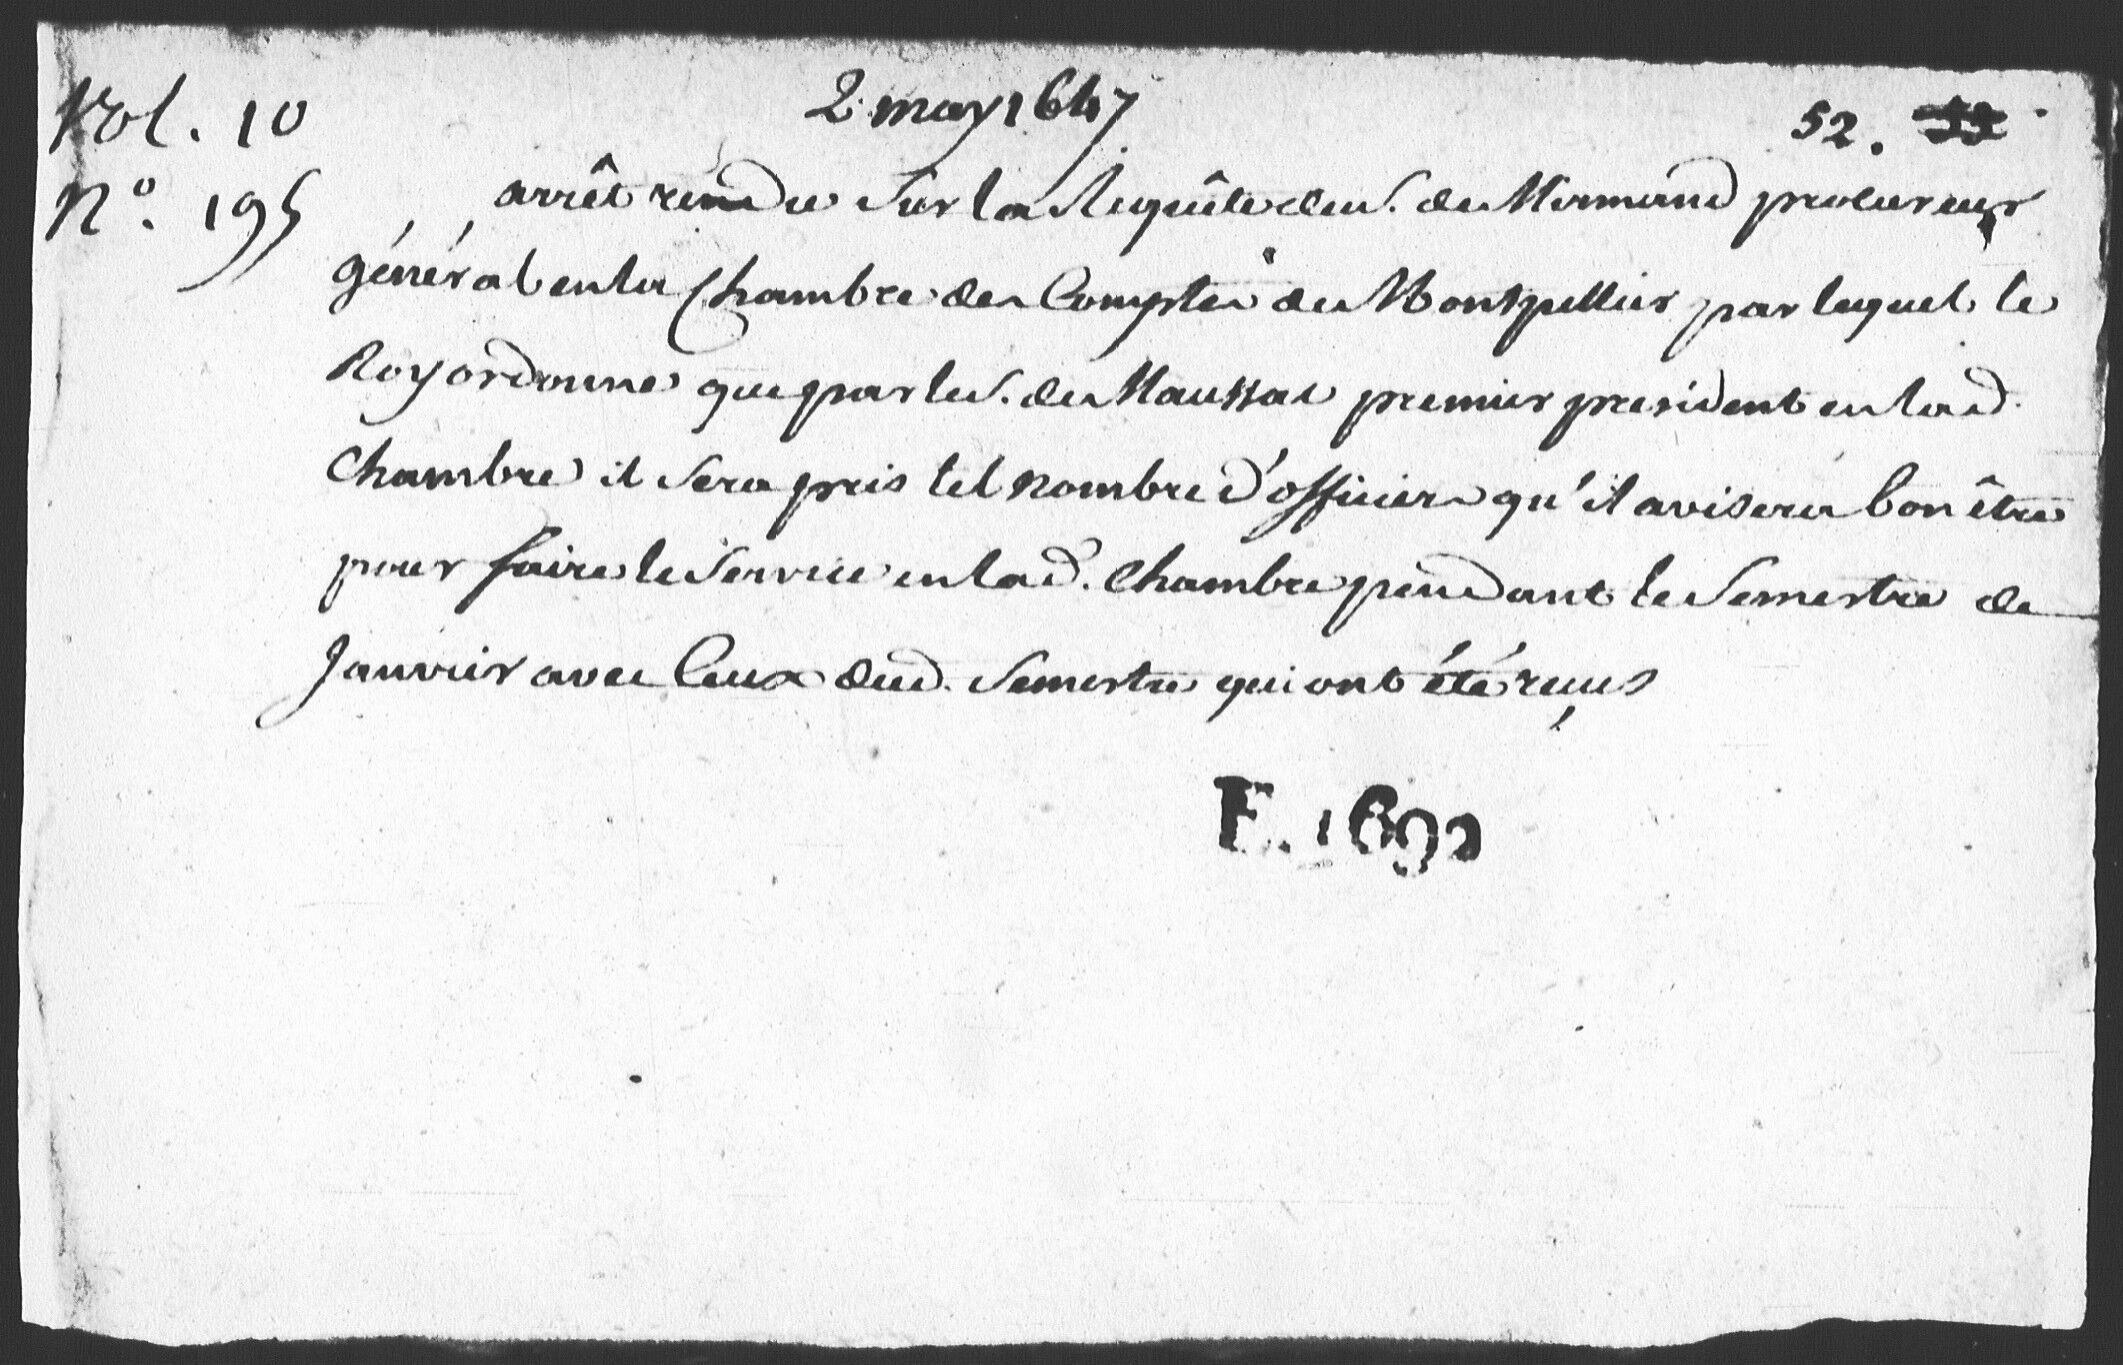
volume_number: n° 195
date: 2 mai 1647
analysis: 52
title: Arrêt rendu sur la Requête du Sieur de Mirmand procureur général en la Chambre des Comptes de Montpellier par lequel le Roy ordonne que par le S. de Maussac premier president en lad. chambre il sera pris tel nombre d'officiers qu'il avisera bon être pour faire le service en lad. chambre pendant le semestre de janvier avec ceux dud. semestre qui ont été reçus
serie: E
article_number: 1692
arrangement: Volume 10
